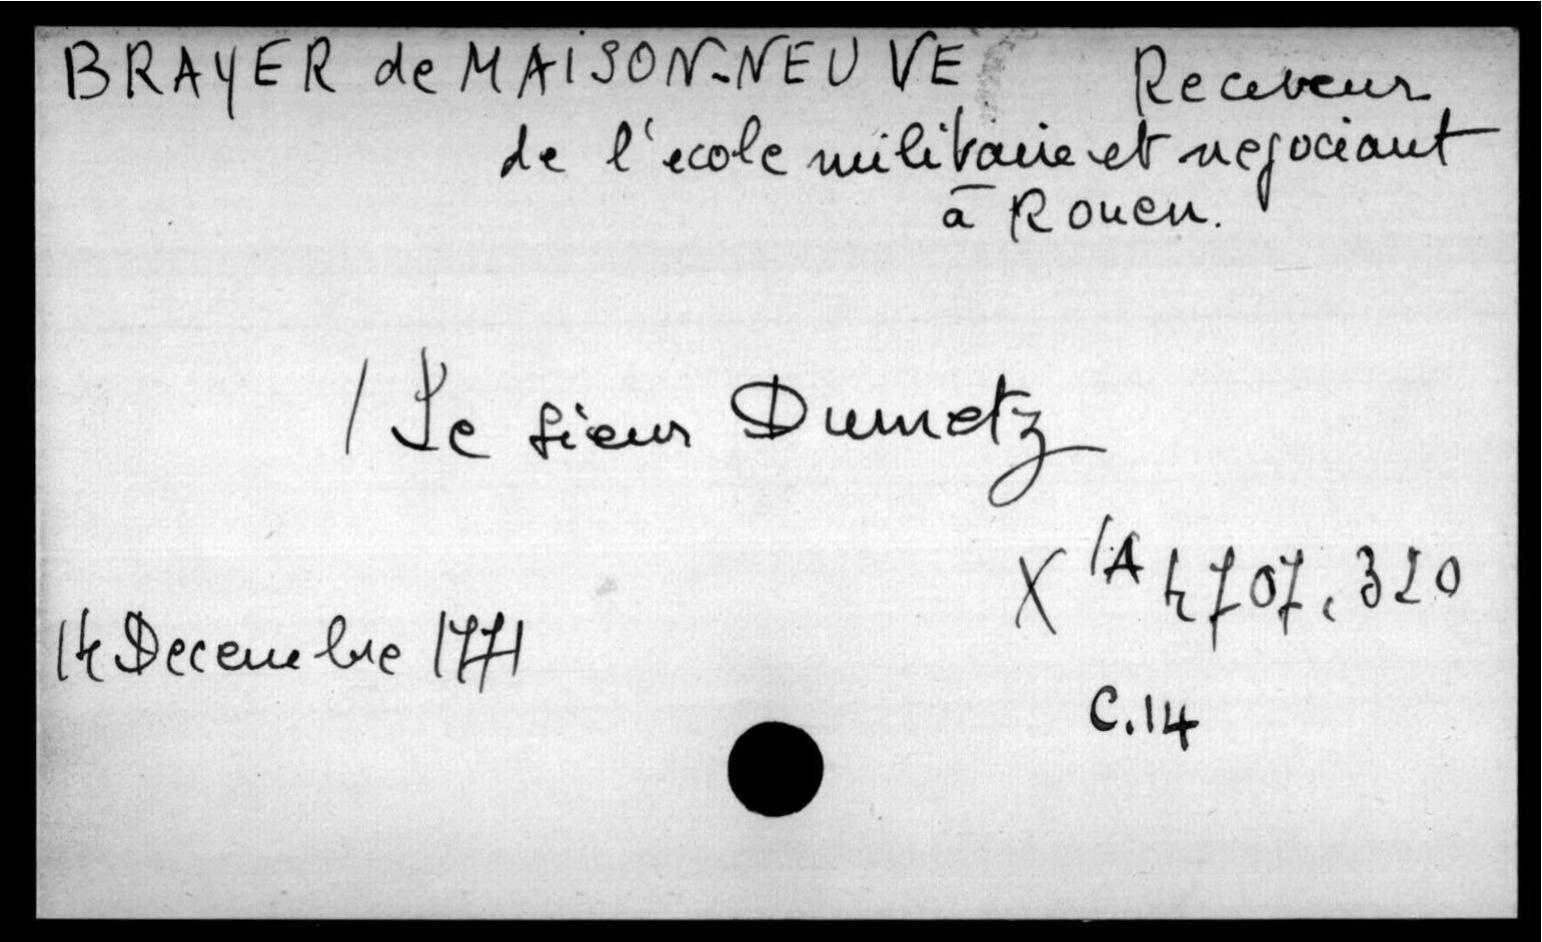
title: BRAYER de MAISON-NEUVE de l'école militaire et negociant à Rouen.
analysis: Contre le sieur Dumetz
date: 14 décembre 1771
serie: X1A
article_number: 4707
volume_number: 320 Conseil, 14
